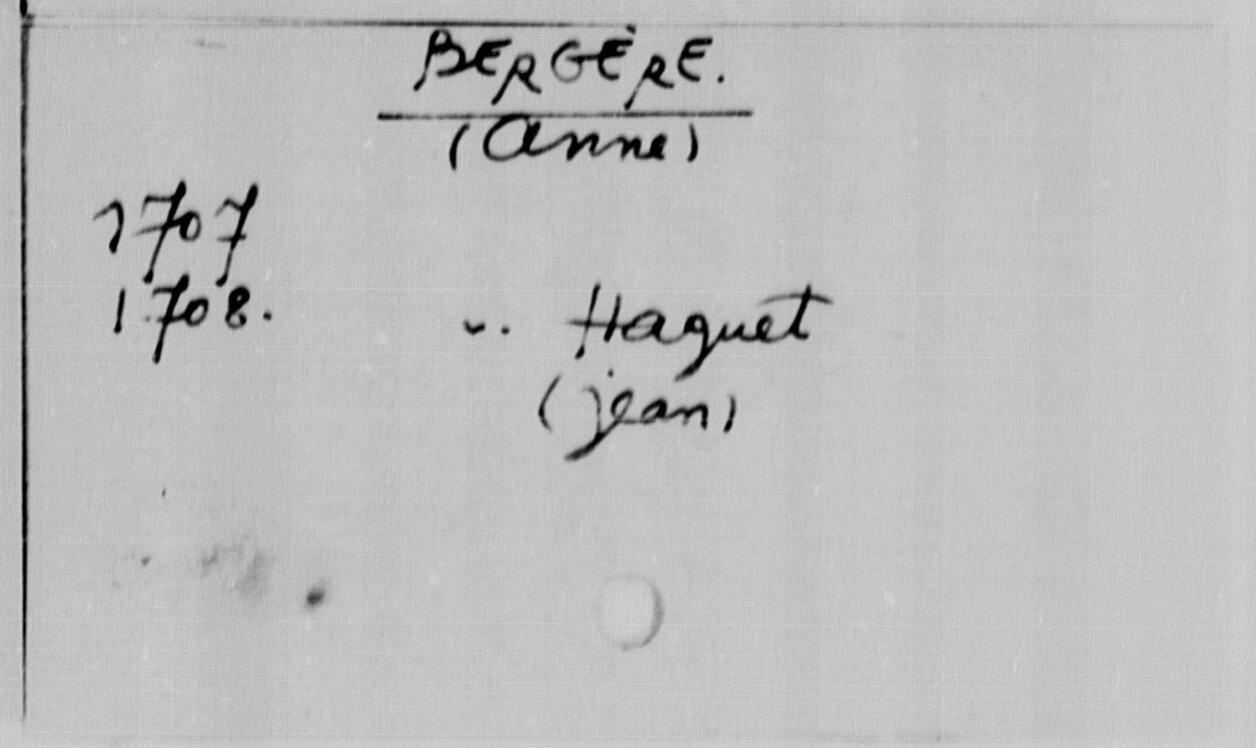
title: BERGÉRE (Anne)
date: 1707-1708
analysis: Voir : HAGUET (Jean)
